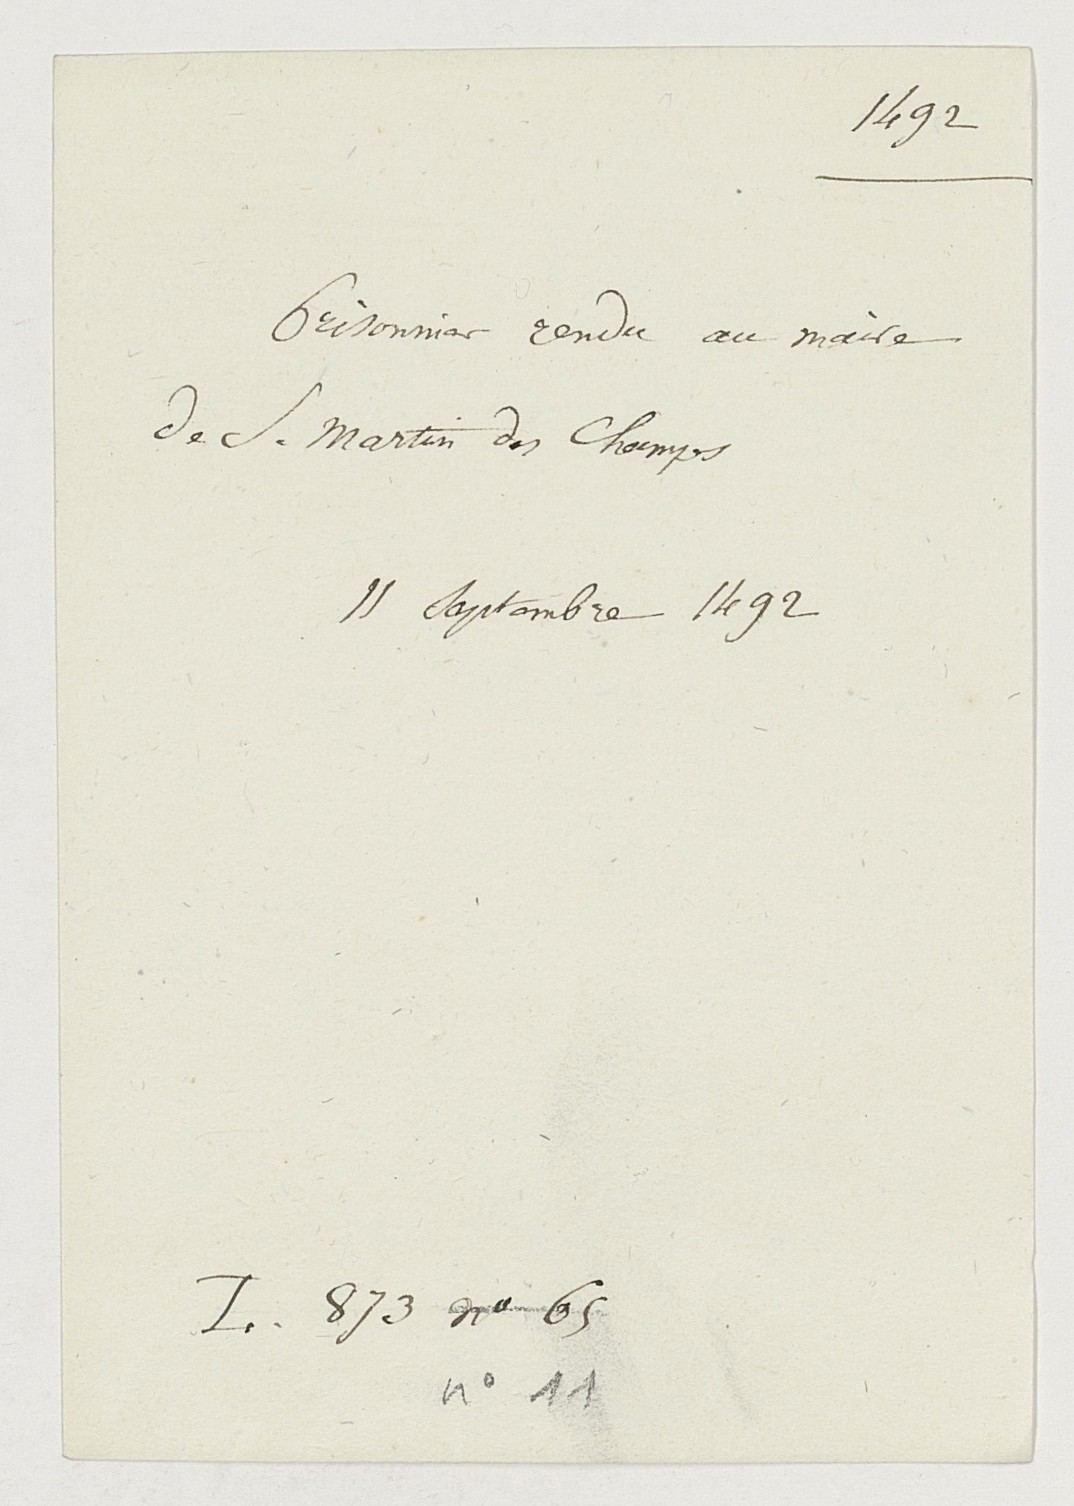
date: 1492
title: Prisonnier rendu au maire de Saint-Martin des Champs
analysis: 11 septembre 1492
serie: L
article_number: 873
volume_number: n° 11
